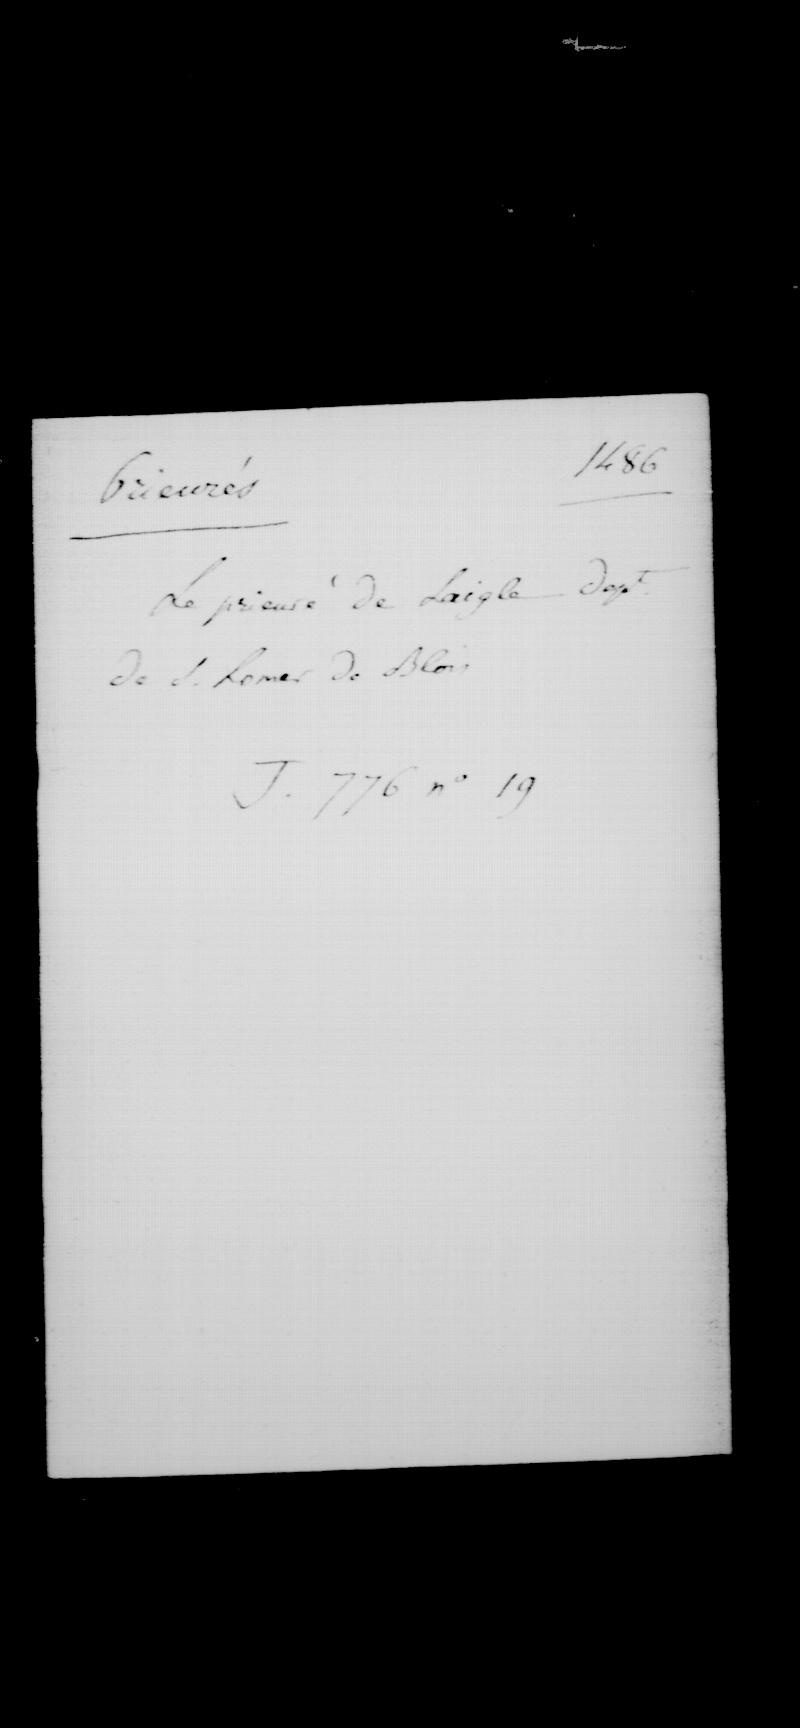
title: Prieurés
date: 1486
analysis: Le prieuré de Laigle dépendant de Saint Lomer de Blois
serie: J
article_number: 776
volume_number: n° 19
